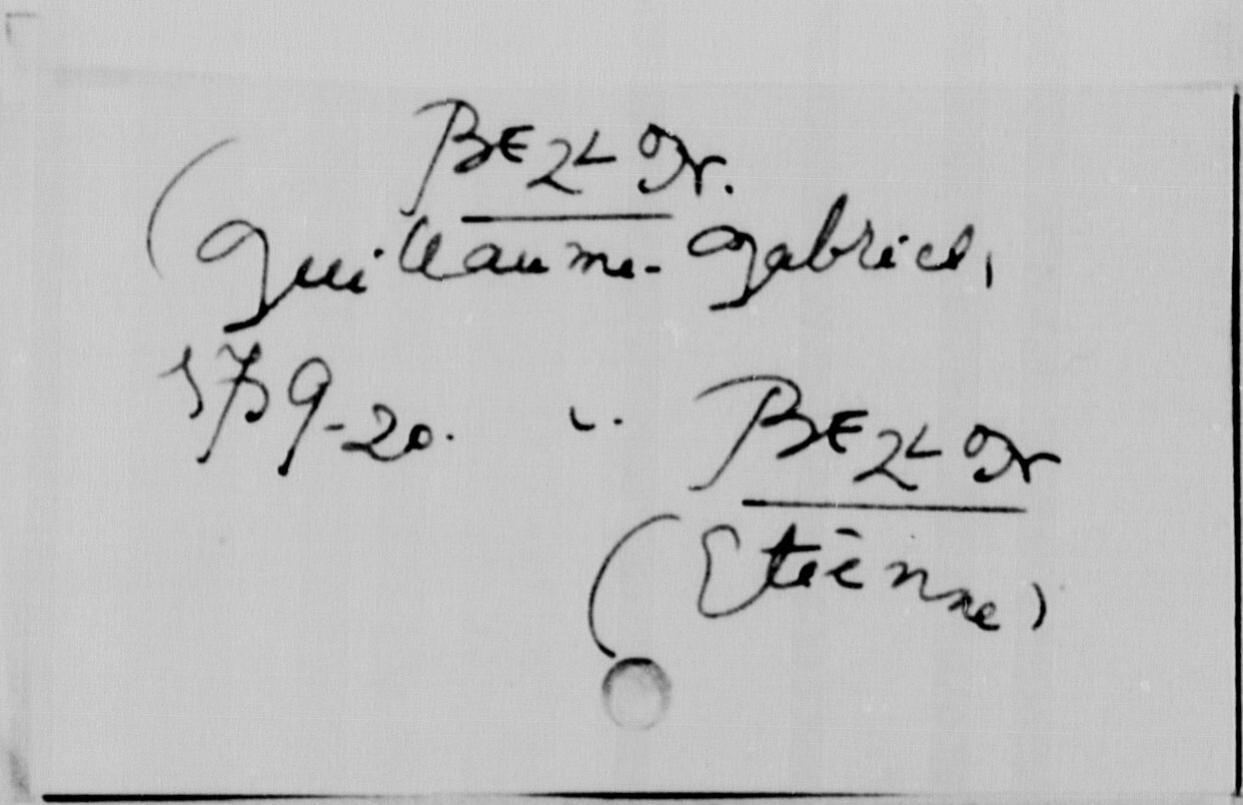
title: BELLON (Guillaume-Gabriel)
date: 1709-1720
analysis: Voir BELLON (Étienne)
